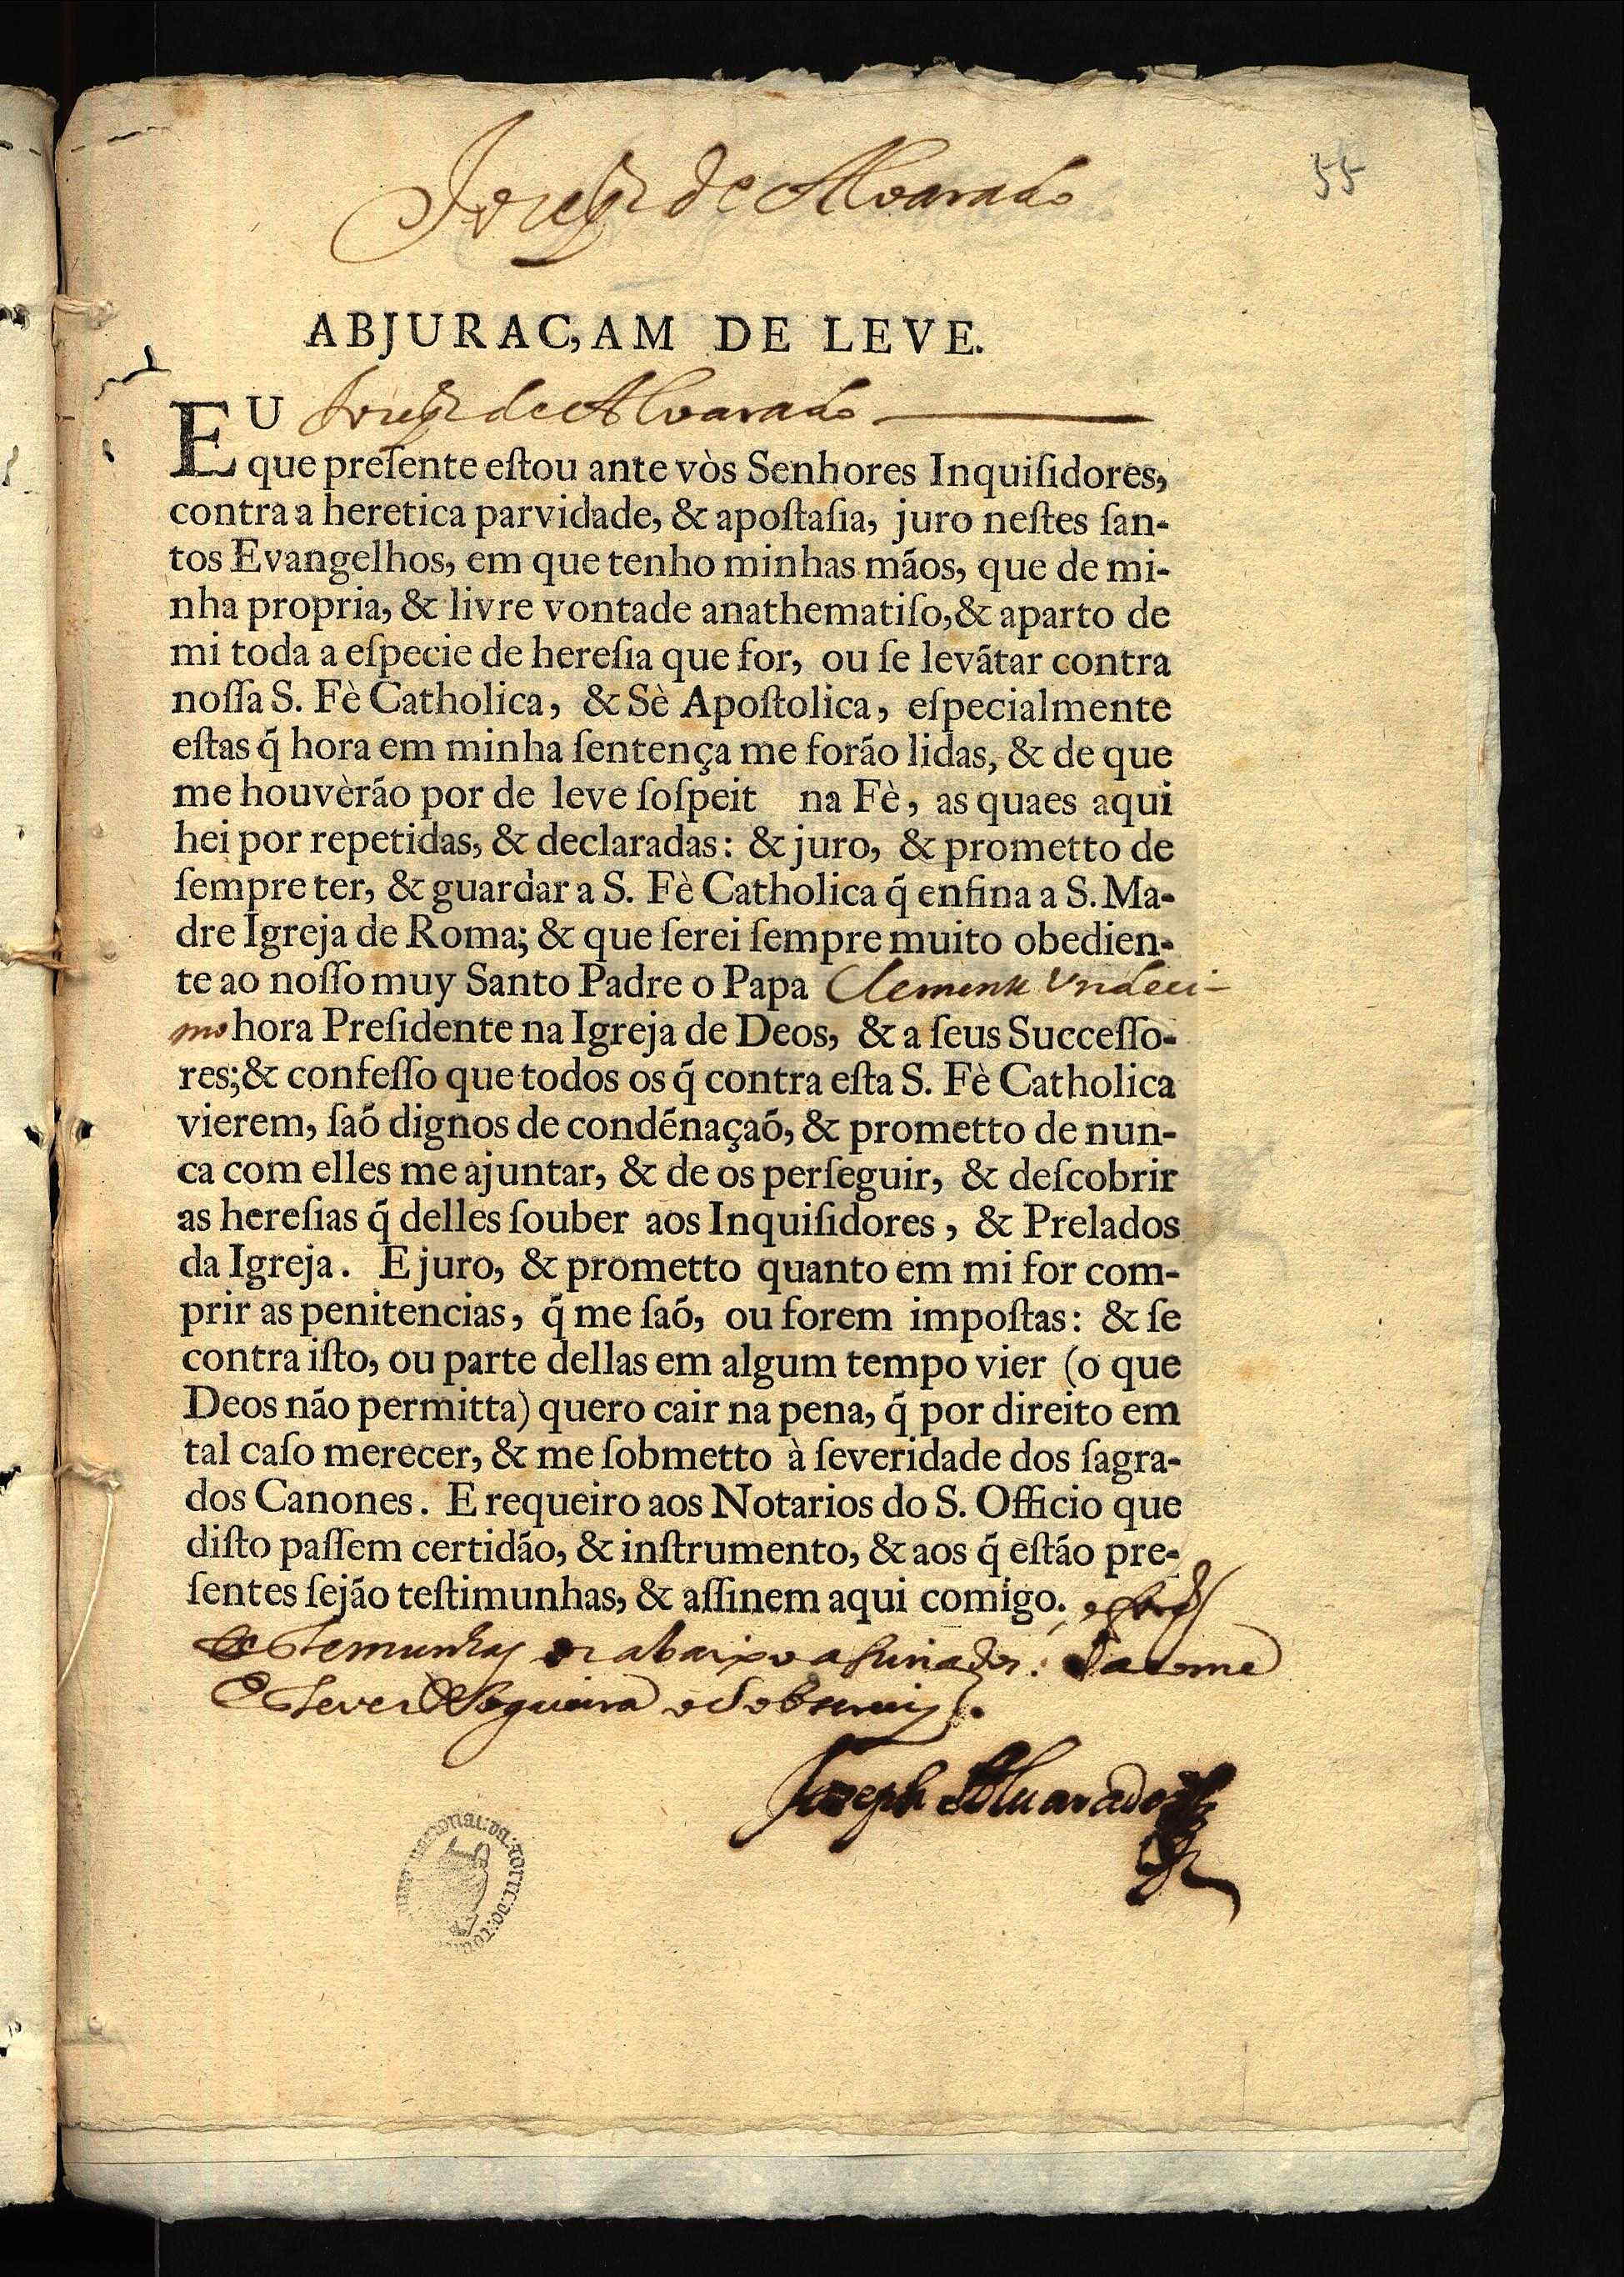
Jozeph de Alvarado
ABJURAÇAM DE LEVE.
U Iozeph de Alvarado
E que presente estou ante vòs Senhores Inquisidores,
contra a heretica parvidade, & apostasia, juro nestes san
tos Evangelhos, em que tenho minhas mãos, que de mi
nha propria, & livre vontade anathematiso, & aparto de
mi toda a especie de heresia que for, ou se levātar contra
nossa S. Fè Catholica, & Sè Apostolica, especialmente
estas q̄ hora em minha sentença me forão lidas, & de que
me houverão por de leve sospeit na Fè, as quaes aqui
hei por repetidas, & declaradas: & juro, & prometto de
sempre ter, & guardar a S. Fè Catholica q̄ ensina a S. Ma
dre lgreja de Roma; & que serei sempre muito obedien
te ao nosso muy Santo Padre o Papa Clemente Vndeci
mo hora Presidente na lgreja de Deos, & a seus Successo
res, & confesso que todos os q̄ contra esta S. Fè Catholica
vierem, saõ dignos de condenaçaõ, & prometto de nun
ca com elles me ajuntar, & de os perseguir, & descobrir
as heresias q̄ delles souber aos Inquisidores, & Prelados
da Igreja. E juro, & prometto quanto em mi for com
prir as penitencias, q̄ me saõ, ou forem impostas: & se
contra isto, ou parte dellas em algum tempo vier (o que
Deos não permitta) quero cair na pena, q̄ por direito em
tal caso merecer, & me sobmetto à severidade dos sagra
dos Canones. E requeiro aos Notarios do S. Officio que
disto passem certidão, & instrumento, & aos q̄ estão pre
sentes sejão testimunhas, & assinem aqui comigo; e foraõ
testemunhas os abaixo assinados. Iacome
Esteves Nogueira o Sobscrevy.
Jozeph Aluarado
